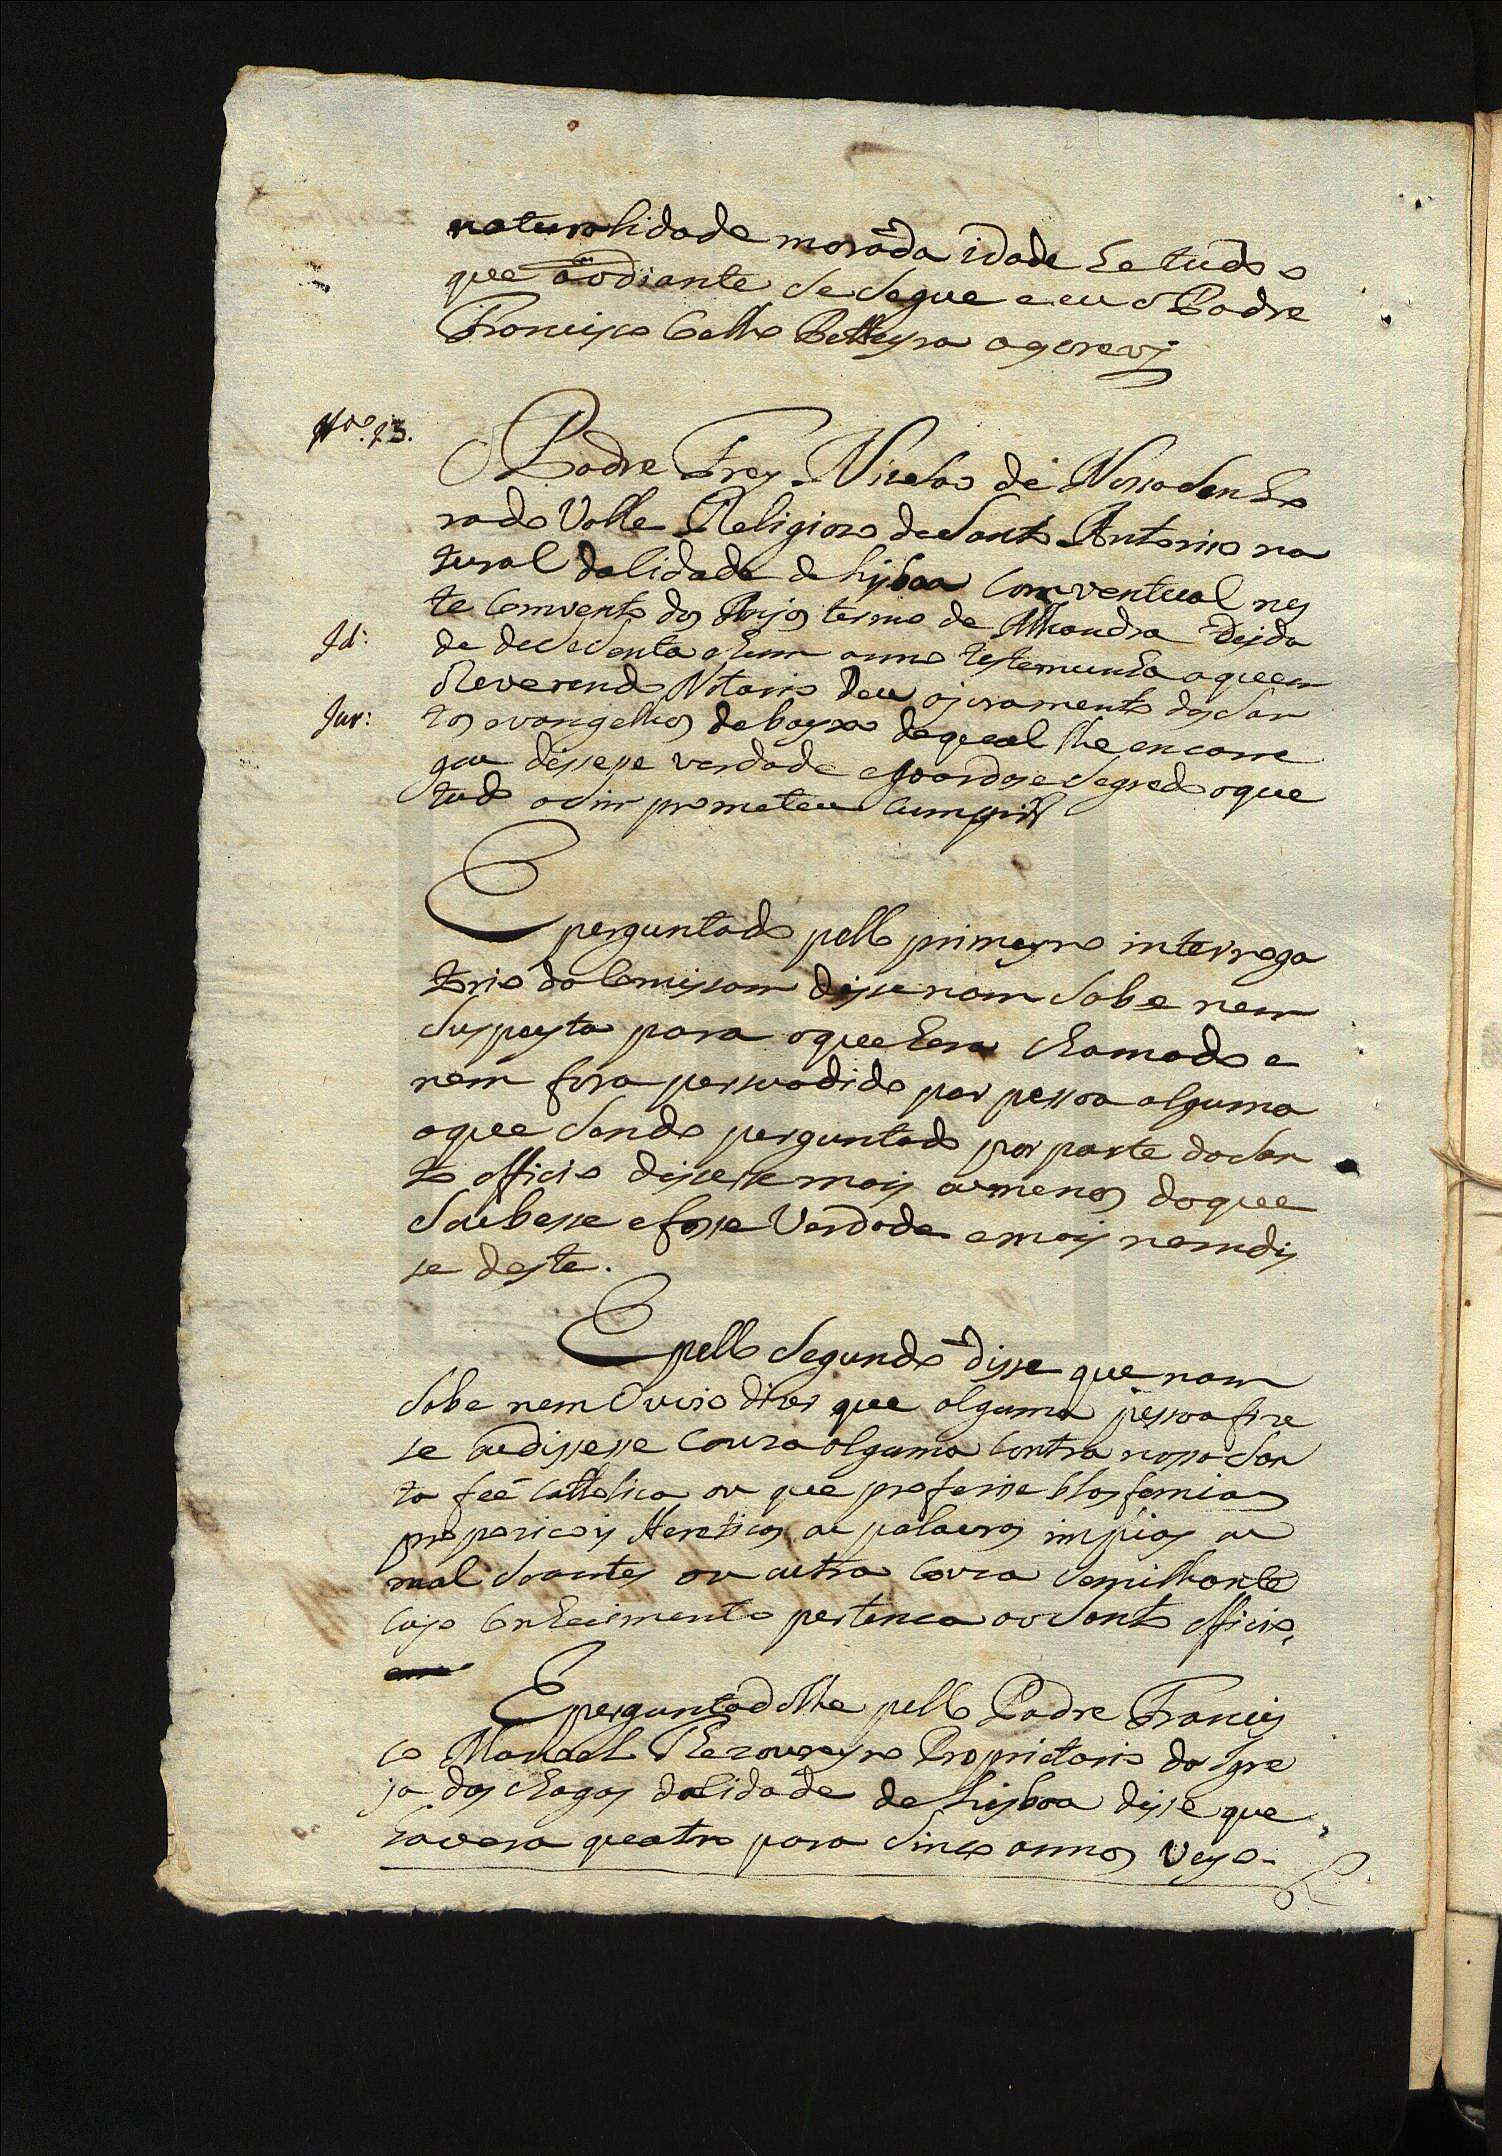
naturalidade morada idade he tudo o
que aodiante se segue e eu o Padre
Francisco Coelho Petteyra o escrevj
tta. i3.
Padre Frey. Nicolao de Nossa Senho
ra do Valle Religiozo de Santo Antonio na
tural da Cidade de Lisboa Comventual nes
te Comvento dos Anjos termo de Alhandra de jda
Jd:
de de sesenta e hum anno testemunha a quem
Reverendo Notario deu o juramento dos San
Jur:
tos evangelhos debayxo do qual lhe encarre
gou dissesse verdade e goardase segredo o que
tudo asim prometeu cumprir
E perguntado pello primeyro interroga
torio da Comissam disse nam sabe nem
suspeyta para o que hera chamado e
nem fora persuadido por pessoa alguma
a que sendo perguntado por parte do San
to officio discesse mais ou menos do que
soubesse e fosse verdade e mais nam dis
se deste.
E pello Segundo disse que nam
sabe nem Ouuio dizer que alguma pessoa fize
se ou dissesse couza alguma contra nossa San
ta feé catholica ou que proferise blasfemias
propoziçois Hereticas ou palavras impias ou
malsoantes ou outra couza semilhante
cujo conhecimento pertença ao Santo officio,
E perguntadolhe pello Padre Francis
co Manoel Thezoureyro Proprietario da Igre
ja das chagas da Cidade de Lisboa disse que
havera quatro para sinco annos veyo
